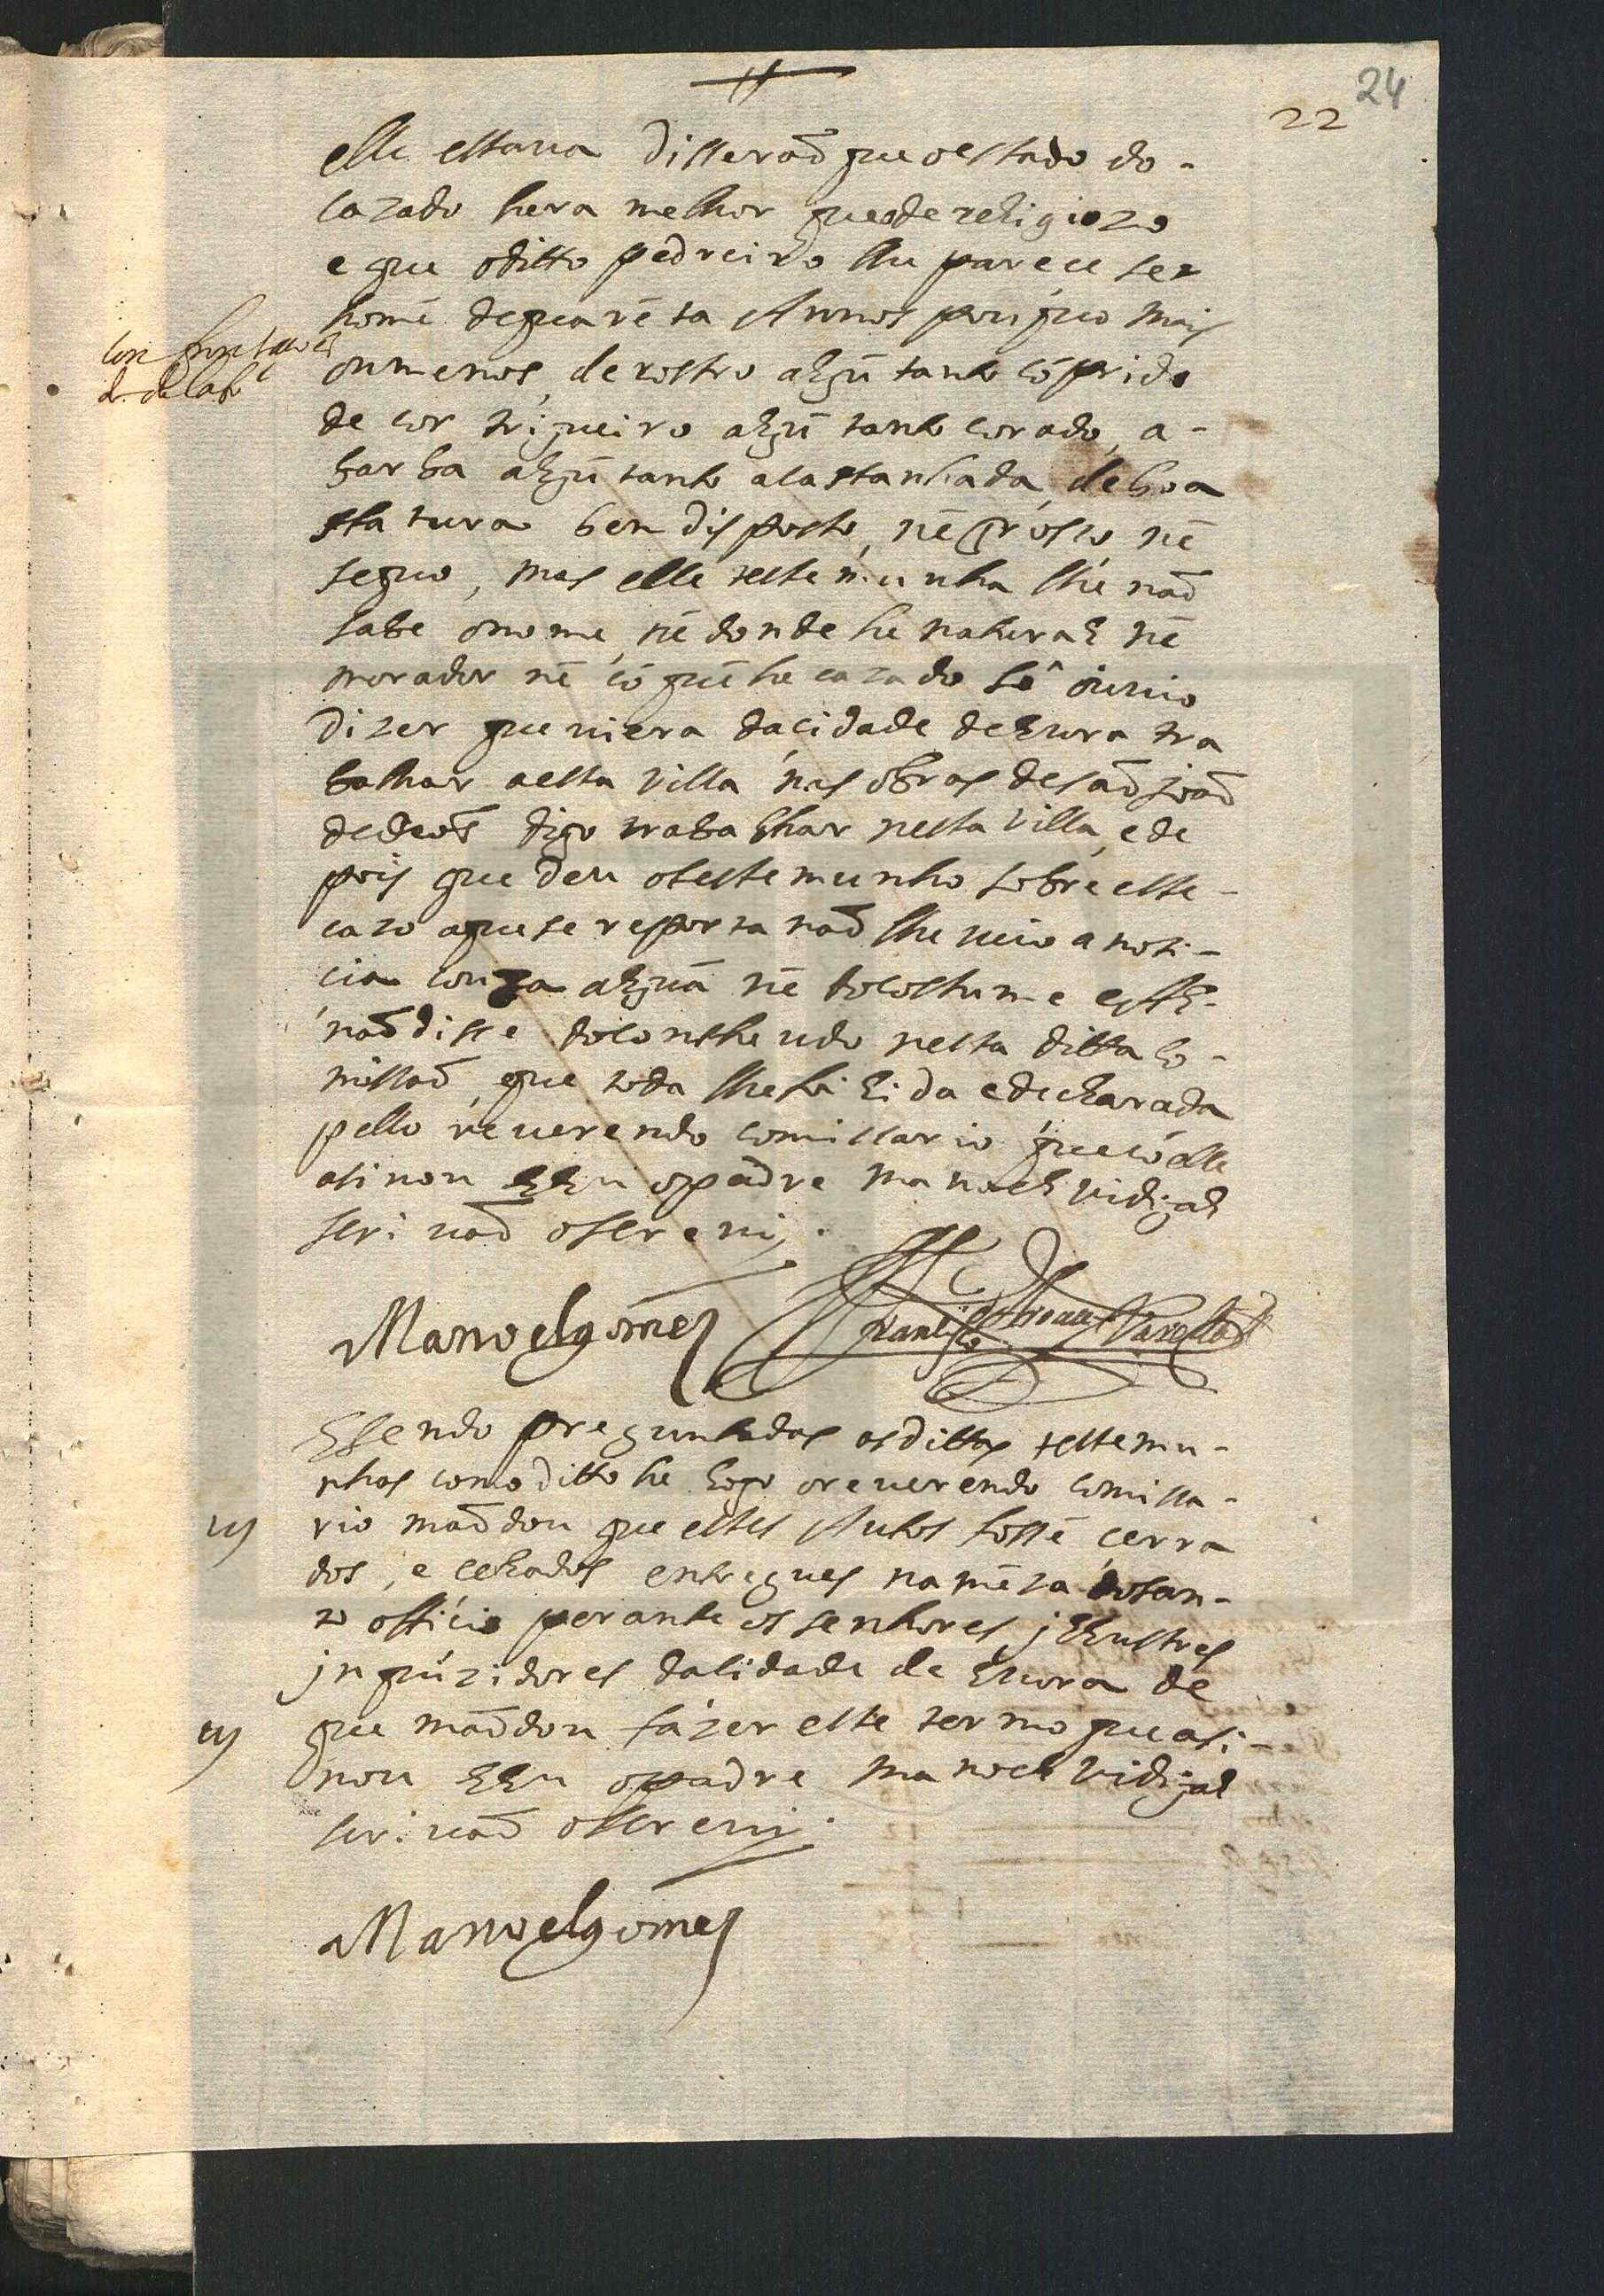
elle estaua disseraõ que o estado do
cazado hera melhor que o de religiozo
e que o ditto pedreiro lhe pareçe ser
homē de quarēta Annos pouquo mais
ou menos de rostro algū tanto cōprido
de cor trigueiro algū tanto corado, a
barba algū tanto acastanhada, de boa
statura bem disposto, nē grosso, nē
sequo, mas elle testemunha lhe naõ
sabe o nome, nē donde he natural nē
morador nē cō quē he cazado só ouuio
dizer que uiera da çidade de Euora tra
balhar a esta villa nas obras de saõ joaõ
de deos digo trabalhar nesta villa, e de
pois que deu o testemunho sobre este
cazo a que se reporta naõ lhe ueio a noti
çia couza alguā nē do costume E Al
naõ disse do contheudo nesta ditta co
missaõ, e que toda lhe foi lida e declarada
pello reuerendo comissario que cō elle
asinou E Eu o padre manoel vidigal
scriuão o screui.
E sendo preguntadas as dittas testemu
nhas como ditto he logo o reuerendo comissa
rio mãodou que estes Autos fossē çerra
dos, e çelados entregues na mēza do san
to offiçio perante os senhores jllustres
jnquizidores da çidade de Euora de
que mãodou fazer este termo que asi
nou E Eu o padre manoel vidigal
scriuão o screuy.
